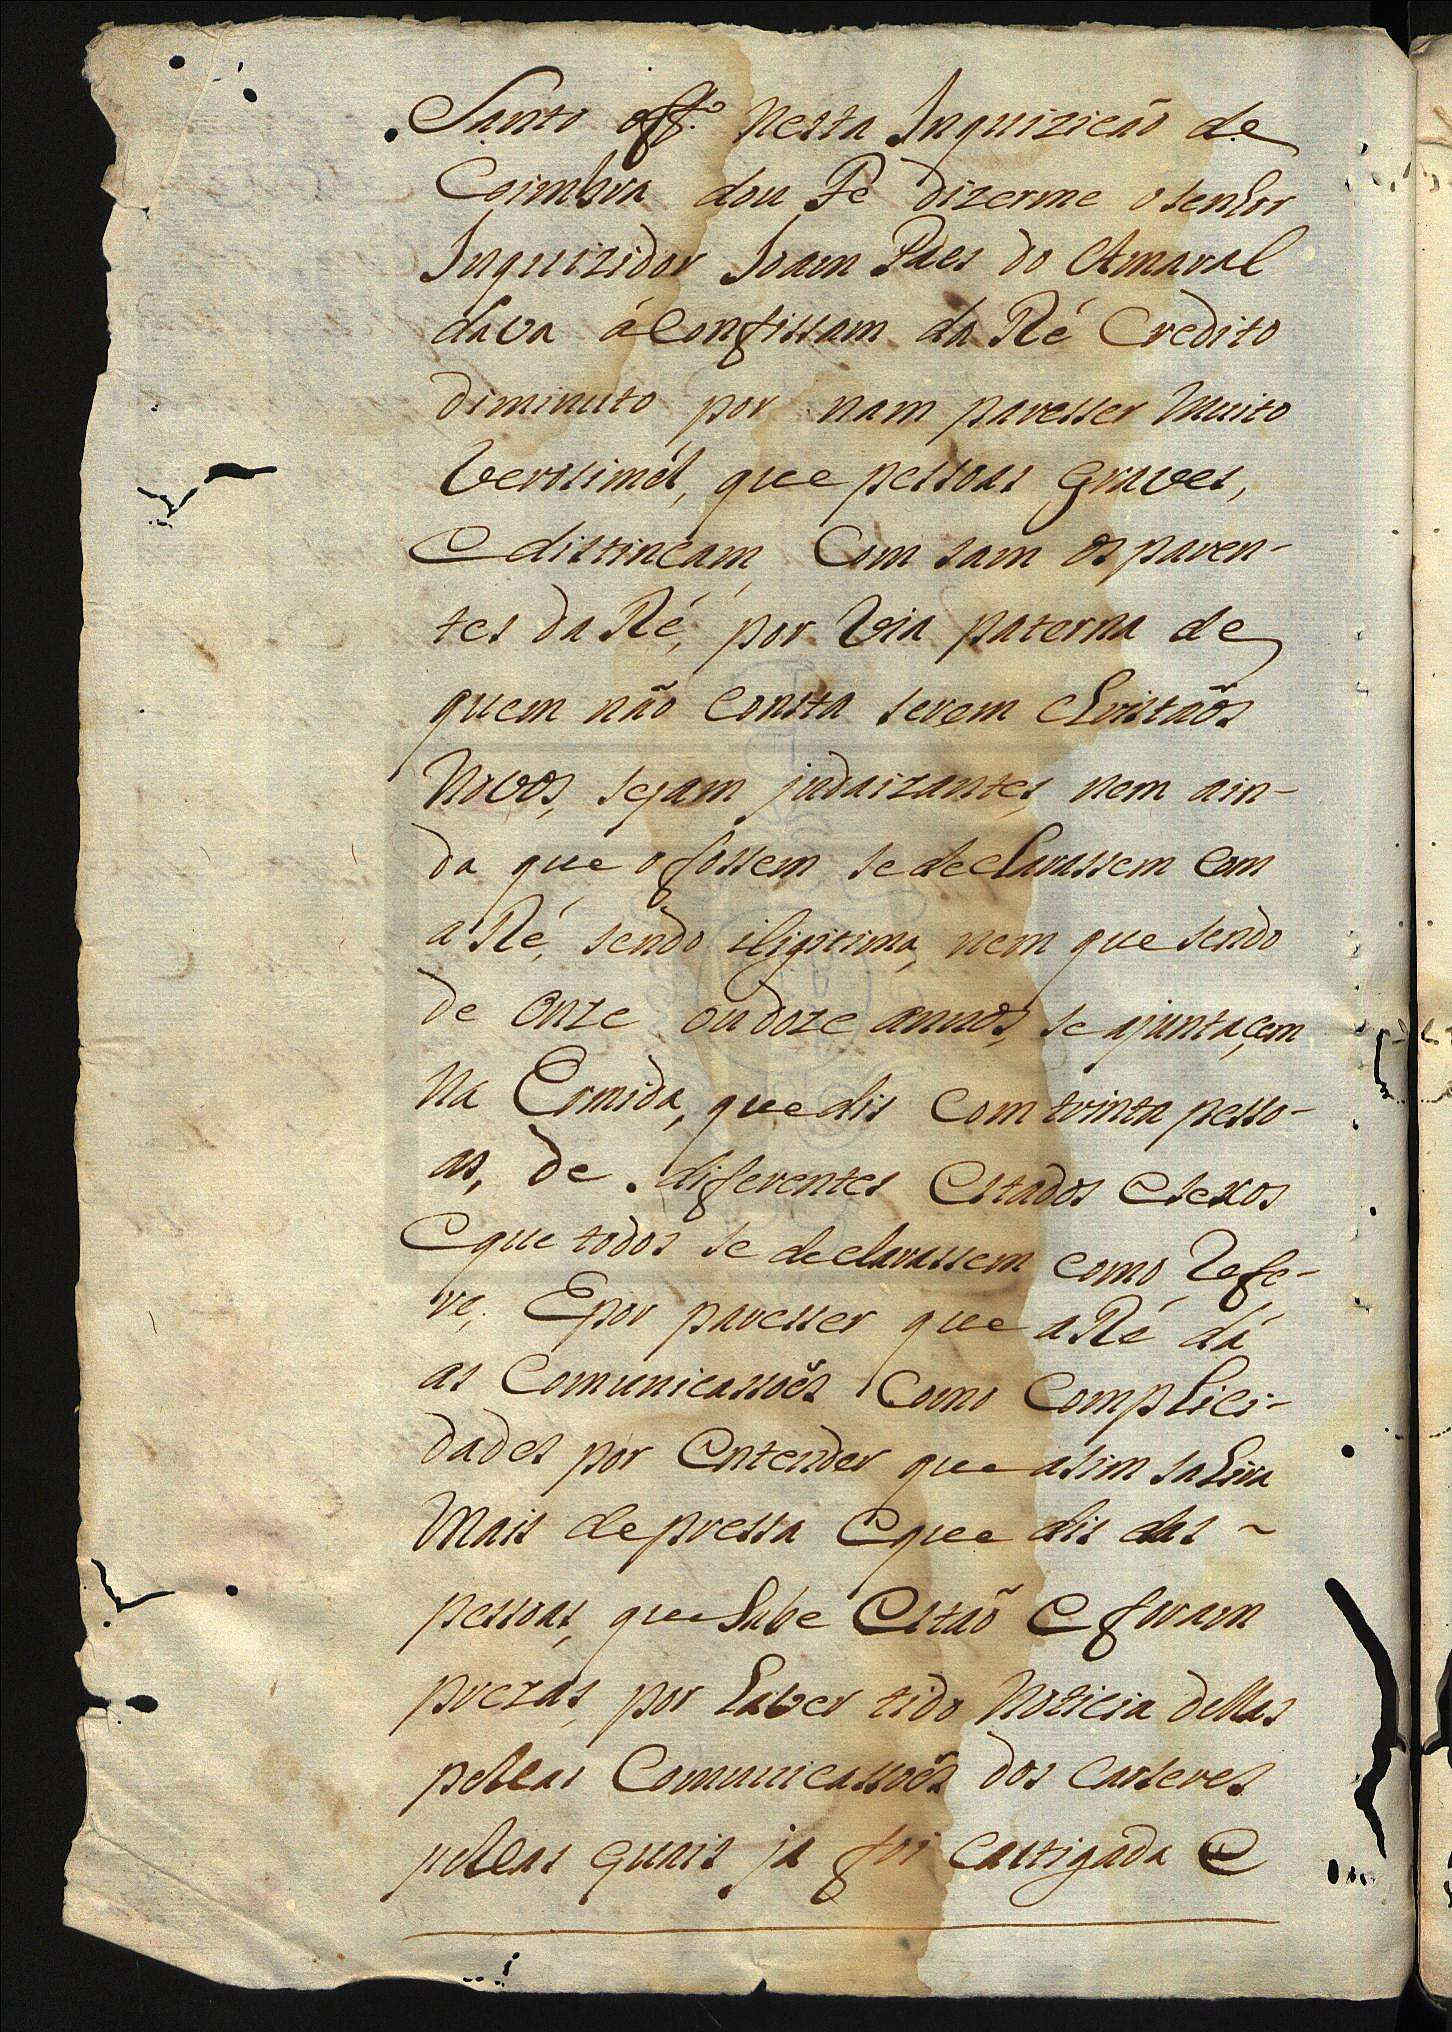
Santo off.o nesta Inquizicaõ de
coimbra dou Fe dizerme o senhor
Inquizidor Ioam Paes do Amaral
dava á confissam da Ré credito
diminuto por nam paresser muito
verosimél, que pessoas graves,
e distincam, com sam os paren
tes da Ré, por via paterna de
quem não consta serem christaõs
novos, sejam judaizantes, nem ain
da que o fossem se declarassem com
a Ré, sendo iligitima, nem que sendo
de onze ou doze annos, se ajuntaçem
na Ermida, que dis com trinta pesso
as, de diferentes estados e sexos
e que todos se declarassem como Refe
re, E por paresser que a Ré dá
as comunicassoẽs como complici
dades por entender que asim sahira
mais depressa e que dis das
pessoas, que Sabe estaõ e foram
prezas, por haver tido noticia dellas
pellas comunicassoẽs dos carseres
pellas quais ja foi castigada e
